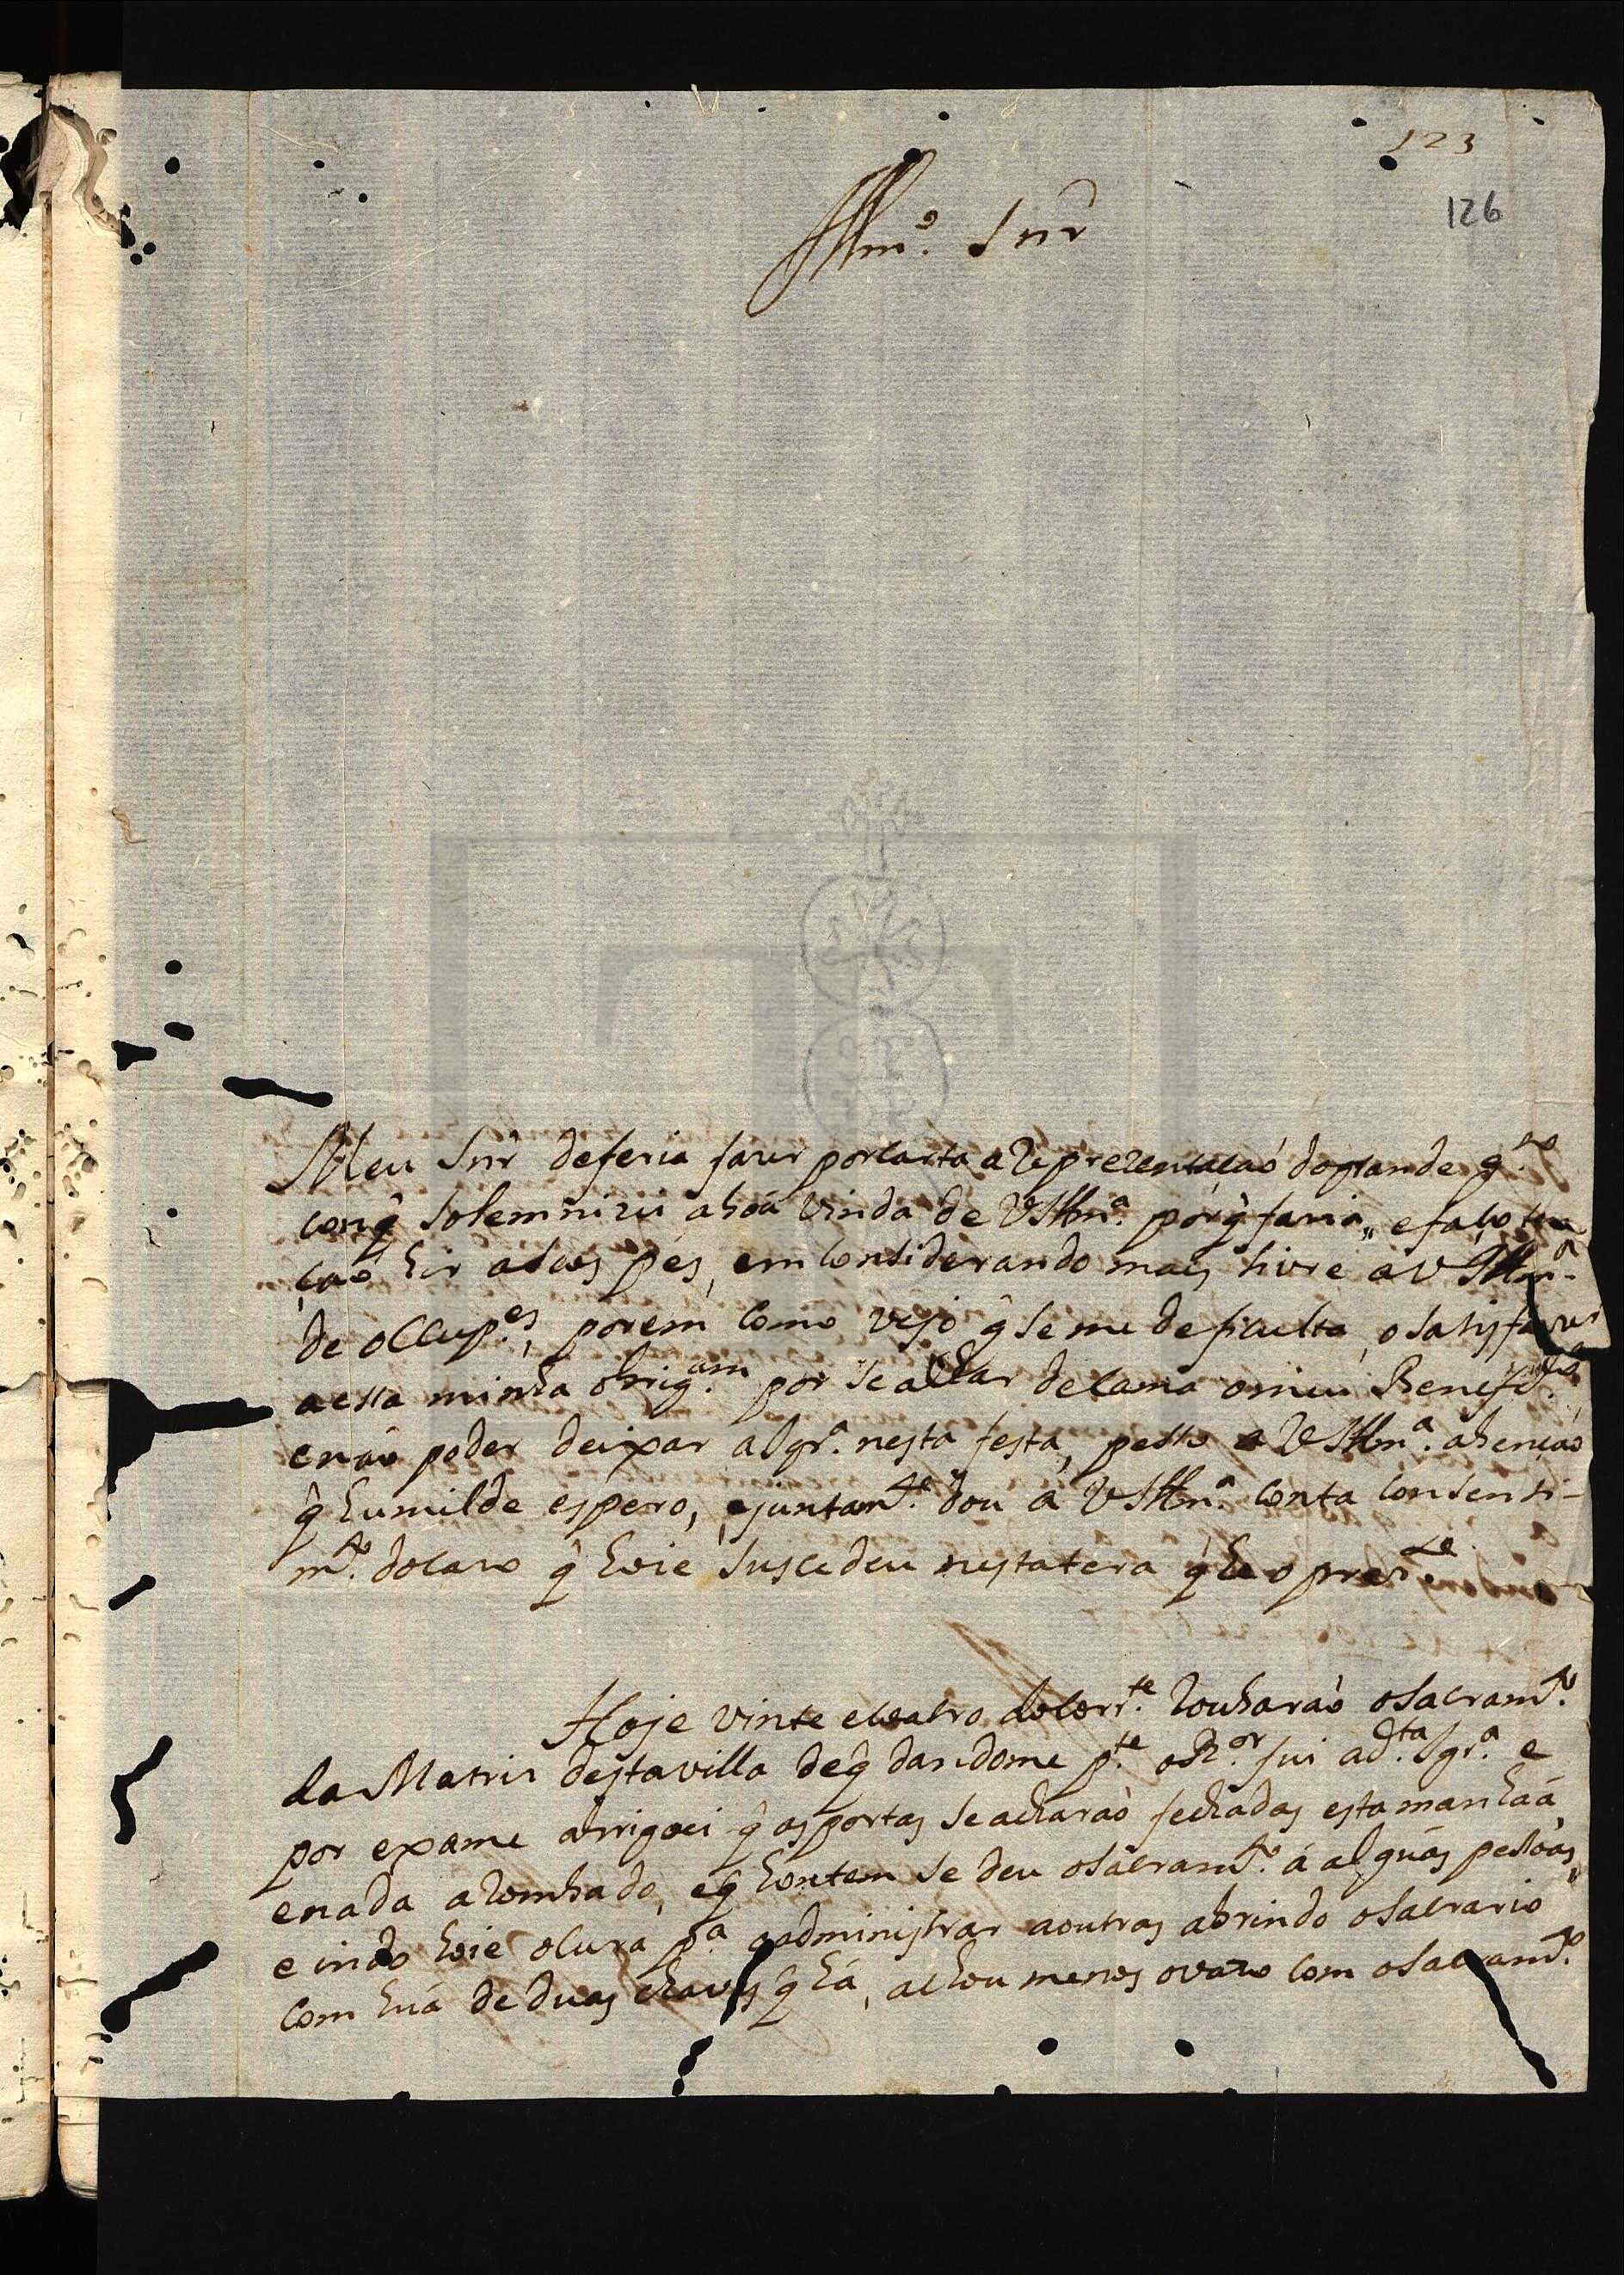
123
Jllm.o Snr̄
Meu snr̄ deferia fazer por carta a Reprezentaçaõ do grande g.to
con q̄ solemnizei a boa vinda de V Illm.a porq̄ faria, e faço ten
çaõ hir a seos pés, em considerando mais livre a V lllm.a
de occup.es, porem como vejo q̄ se me deficulta, o satisfazer
a essa minha obrig.am por se achar de cama o meu Benefd.o
e naõ poder deixar a Igr.a nesta festa, pesso a V Illm.a a bençaõ
q̄ humilde espero, e juntam.te dou a V Illm.a conta consenti
m.to do cazo q̄ hoie suscedeu nesta tera q̄ he o prez.te
Hoje vinte e coatro do corr.te Roubaraõ o sacram.to
da Matriz desta villa de q̄ dandome p.te o R.or fui a d.ta Igr.a e
por exame aberigoei q̄ as portas se acharaõ fechadas esta manhaã,
e nada aRombado, e q hontem se deu o sacram.to á alguās pesoas,
e indo hoie o cura p.a a administrar a outros abrindo o sacrario
com huā de duas chaves q̄ há, achou menos o vazo com o sacram.to
